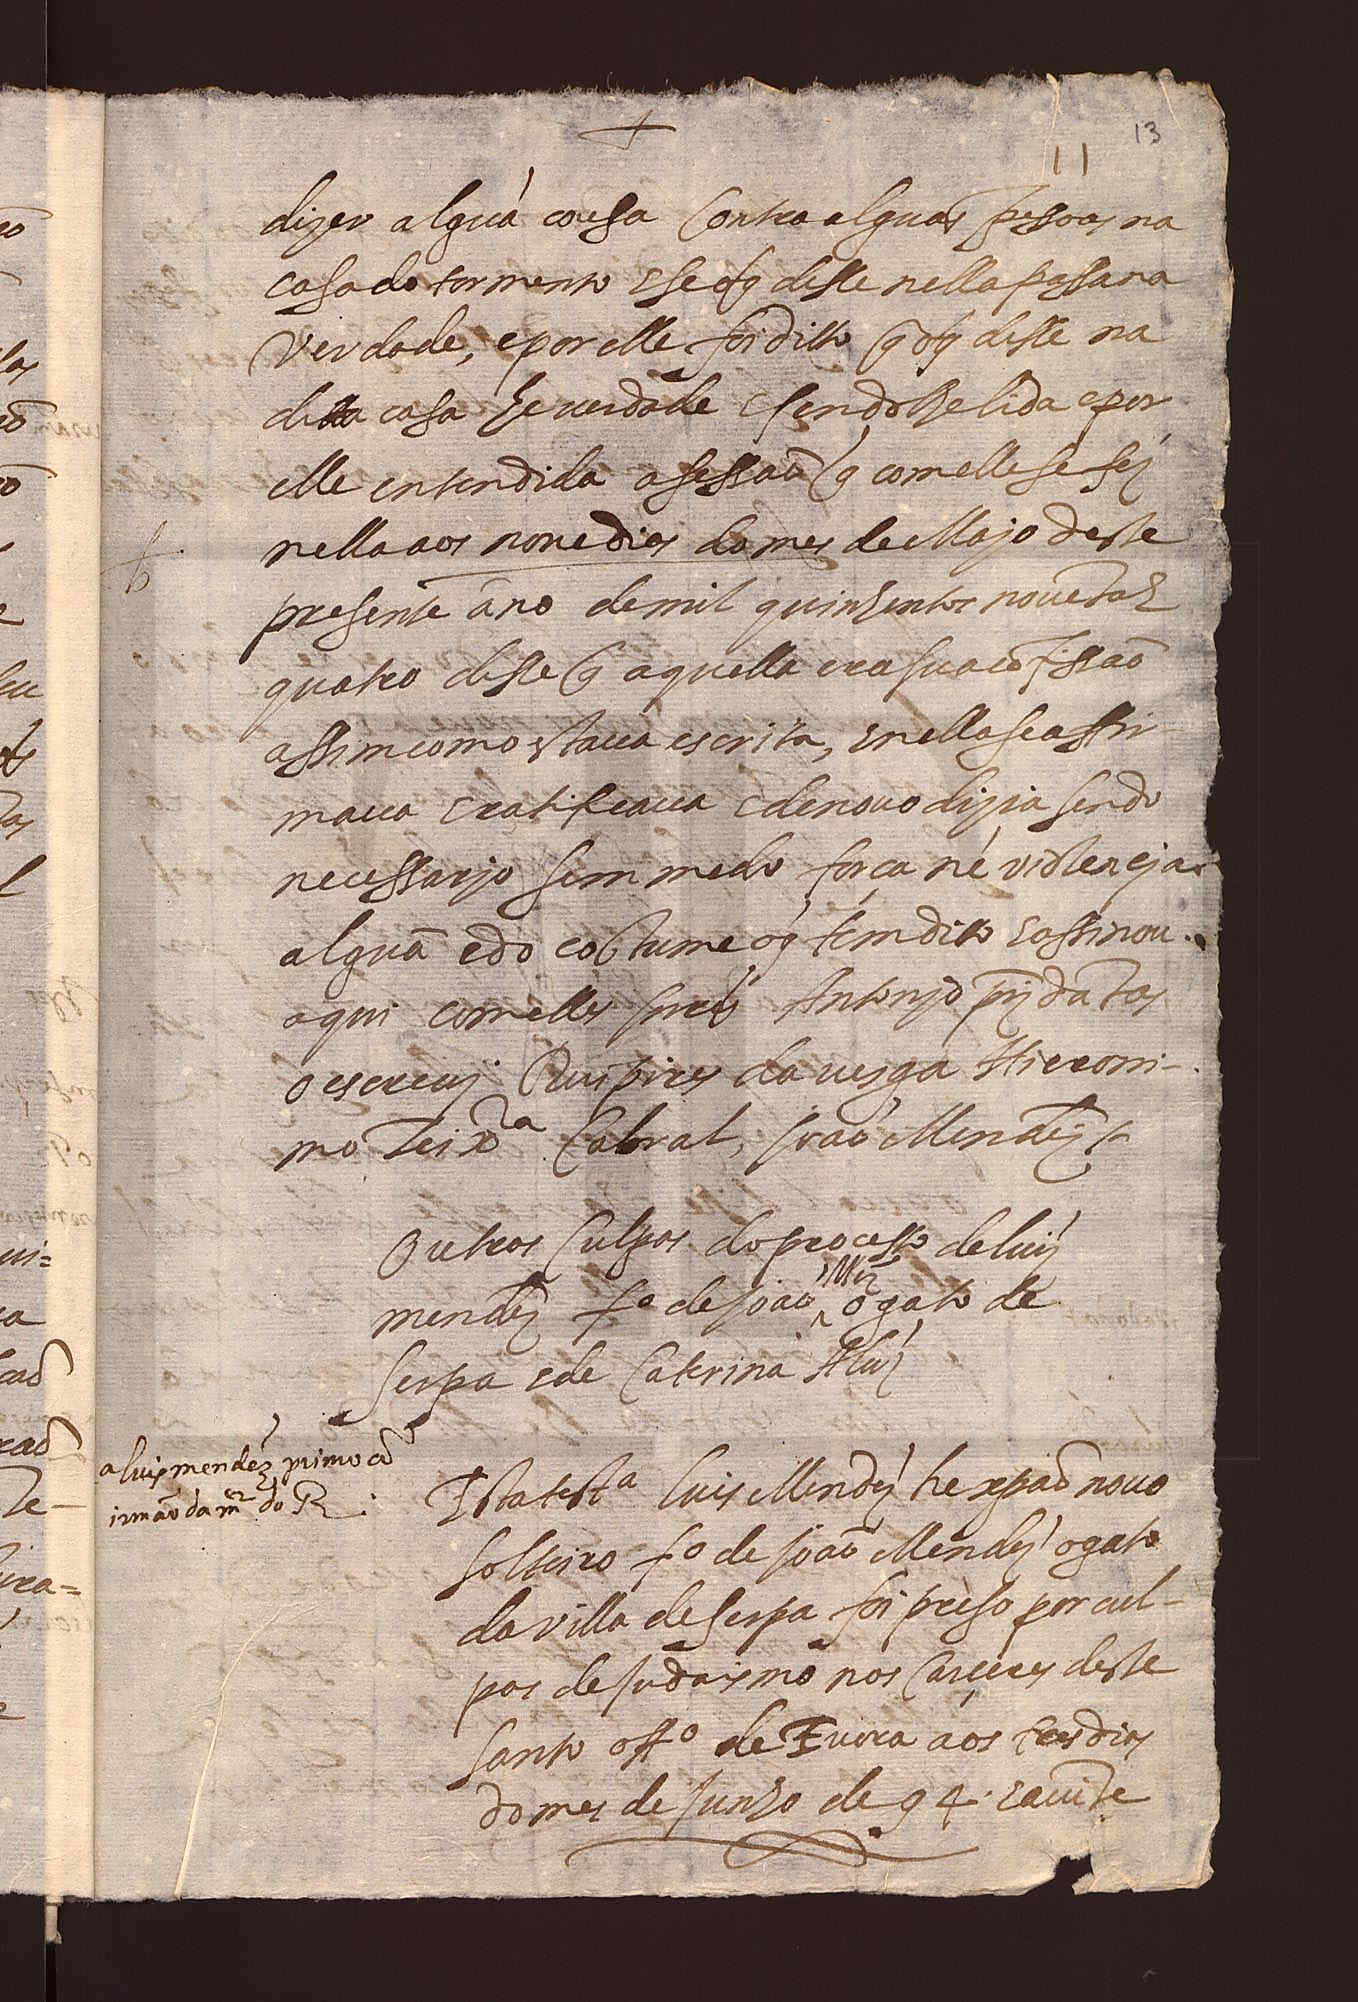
dizer alguā cousa Contra alguas̄ pessoas na
casa do tormento E se o q̄ disse nella passa na
verdade, e por elle foi ditto q̄ o q̄ disse na
ditta casa he uerdade E sendo lhe lida e por
elle entendida a sessão q̄ com elle se fez̄
nella aos noue dias do mes de Majo deste
presente āno de mil quinhentos nouēta E
quatro disse q̄ aquella era sua cōfissão
assim como estaua escrita, E nella se affir
maua E ratificaua E de nouo dizia sendo
necessarjo sem medo força nē violencja
alguā e do costume o q̄ tem ditto E assinou
aqui com elles snres̄ Antonjo p̄iz dātas
o escreuj Rui pires da ueiga Hieroni
mo Teixra Cabral, Joaõ Mend̄ez /.
Outras Culpas do processo de luiz̄
mend̄ez fo de João
Miz̄
o gato de
Serpa E de Caterina Aluz̄
Esta testa luis Mendez̄ he xpaõ nouo
solteiro fo de Joaõ Mendez̄ o gato
da villa de Serpa foi preso por cul
pas de Judaismo nos Carçeres deste
Santo offo de Euora aos tres dias
do mes de Junho de 94. E a uīte
